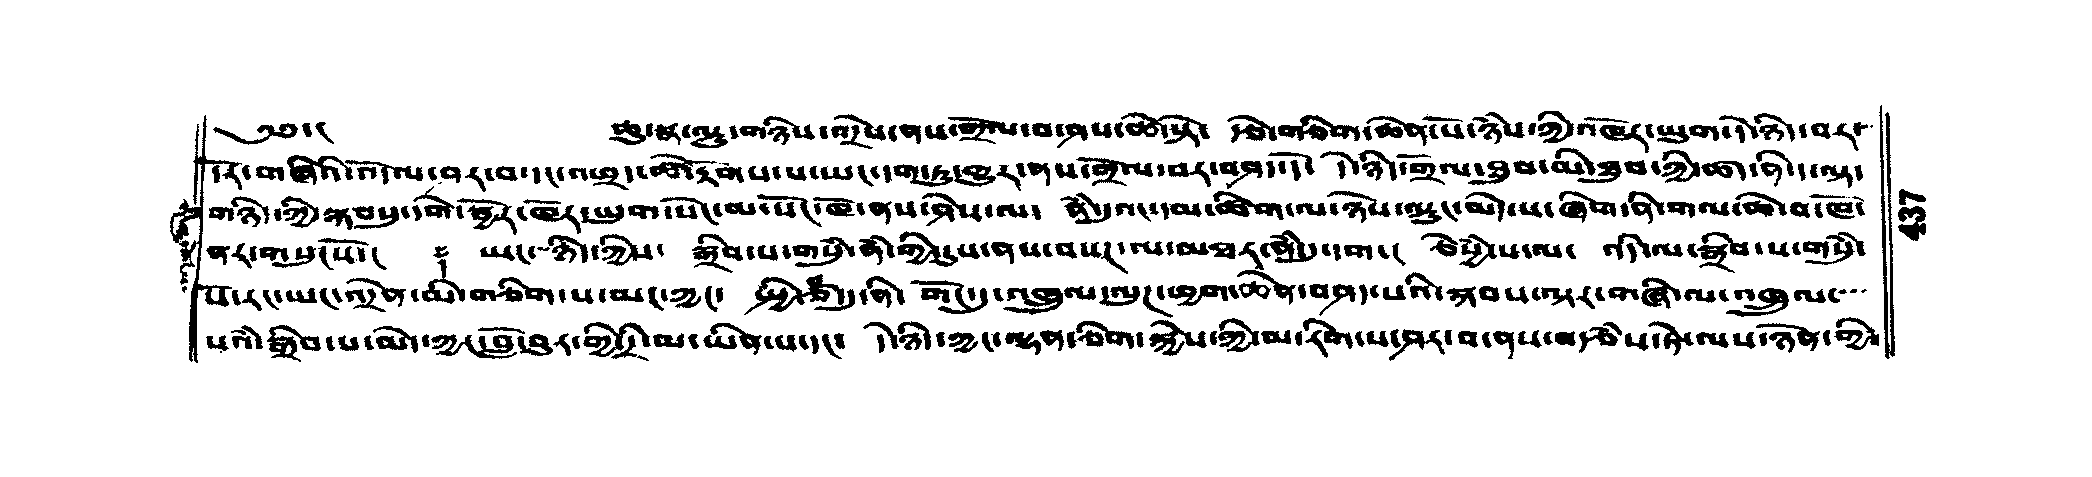ཆུ་སྣ་ལྟ་བུ་གཉིས་འདྲེས་ནས་གྲོལ་བ་ཤས་ཆེ་སྟེ། རྩེ་གཅིག་ཆེན་པོ་ཉམས་ཀྱི་འཁོར་ཡུག་དེ་ཉིད་བར་
དོར་གཞིའི་འོད་གསལ་ཤར་བ་དང་འཕྲད་ཚེ་རྟོགས་པ་ཡང་དག་ཏུ་གྱུར་ནས་གྲོལ་བར་བཤད་དེ། དེ་ཉིད་གྲོལ་ཐུབ་མི་ཐུབ་ཀྱི་ཚད་ནི་ད་ལྟ་
གཉིད་ཀྱི་སྐབས་སུ་དགེ་སྦྱོར་ཁོར་ཡུག་སོང་མ་སོང་ཁོ་ནས་ཤེས་ལ། ནམ་དུའང་དམ་ཚིག་ལ་ཉེས་ལྟུང་མེད་ལྟུང་མེད་པ་ཞིག་ནི་གལ་ཆེ་བ་ཁོ་
ན་ནར་གསུངས་སོ།༈ ཡང་ཉིད་ཀྱིས། སྒྲིབ་པ་གསུམ་ནམ་གྱི་དུས་ནས་བསགས་ལ་མཐར་ནམ་དུ་དག་ཅེས་གསུངས་པ་ལ། འདི་ལ་སྒྲིབ་པ་གསུམ་
པོ་རང་ཡང་འདྲེན་མི་གཅིག་པ་མང་ཀྱང་། སྤྱི་ཙམ་དུ་ནི། གོང་དུ་འཁྲུལ་ལུགས་ཕྱག་ཆེན་བཤད་པའི་སྐབས་ལྟར་གཞི་ལ་འཁྲུལ་
པའམ་སྒྲིབ་པ་མེད་ཀྱང་བློ་བུར་གྱི་དྲི་མ་ཡིན་པ་དང་། དེ་ཉིད་ཀྱང་ལྷན་ཅིག་སྐྱེས་ཀྱི་མ་རིག་པ་ཤར་བ་ནས་བརྩམས་ཏེ་ལས་ཉོན་གྱི་